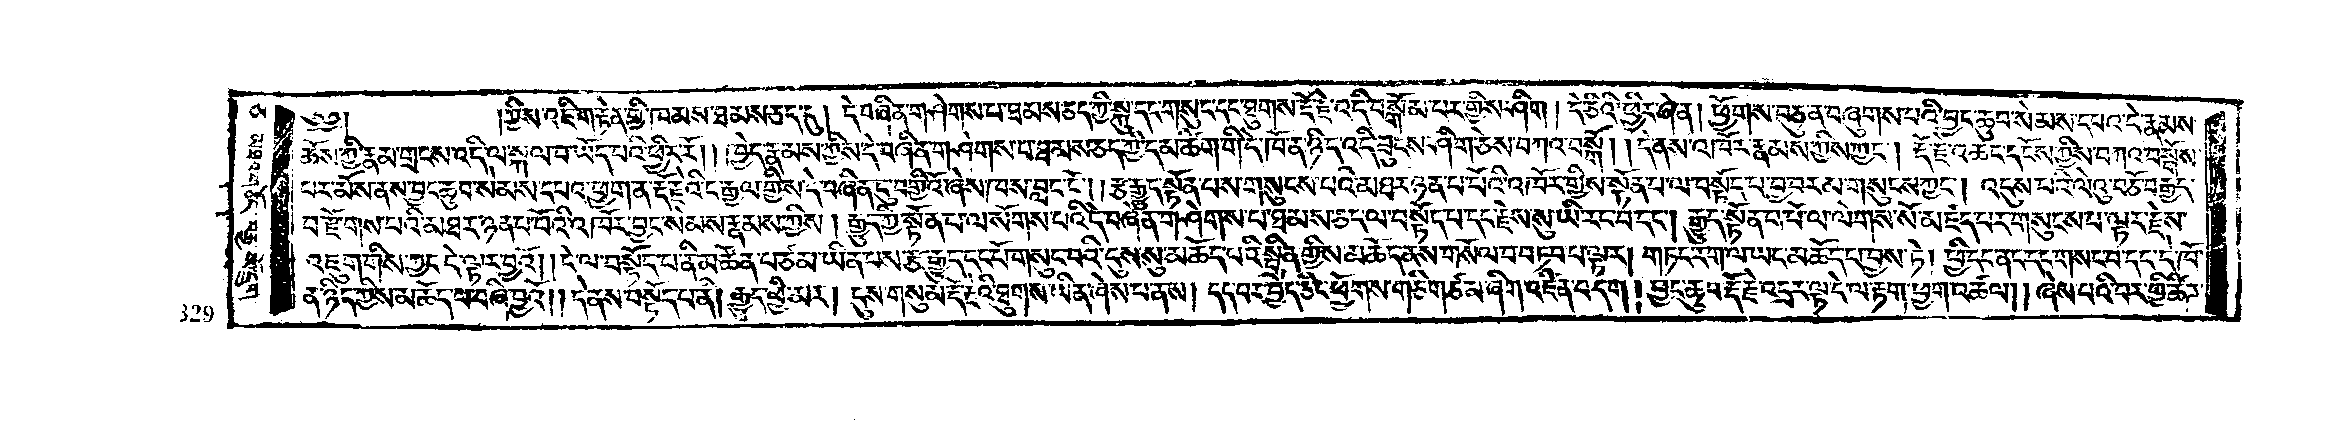༄༅། །ཀྱིས་འཇིག་རྟེན་གྱི་ཁམས་ཐམས་ཅད་དུ། དེ་བཞིན་གཤེགས་པ་ཐམས་ཅད་ཀྱི་སྐུ་དང་གསུང་དང་ཐུགས་རྡོ་རྗེ་འདི་བསྒོམ་པར་གྱིས་ཤིག །དེ་ཅིའི་ཕྱིར་ཞེ་ན། ཕྱོགས་བཅུ་ན་བཞུགས་པའི་བྱང་ཆུབ་སེམས་དཔའ་དེ་རྣམས་
ཆོས་ཀྱི་རྣམ་གྲངས་འདི་ལ་སྐལ་བ་ཡོད་པའི་ཕྱིར་རོ། །ཁྱེད་རྣམས་ཀྱིས་དེ་བཞིན་གཤེགས་པ་ཐམས་ཅད་ཀྱི་དམ་ཚིག་གི་དེ་ཁོ་ན་ཉིད་འདི་ཟུངས་ཤིག་ཅེས་བཀའ་བསྒོ། །དེ་ནས་འཁོར་རྣམས་ཀྱིས་ཀྱང་། རྡོ་རྗེ་འཆང་དངོས་ཀྱིས་བཀའ་བསྒོས་
པར་མས་ནས་བྱང་ཆུབ་སེམས་དཔའ་ཕྱག་ན་རྡོ་རྗེའི་ང་རྒྱལ་གྱིས་དེ་བཞིན་དུ་བགྱིའོ་ཞེས་ཁས་བླང་ངོ། །རྩ་རྒྱུད་སྟོན་པས་གསུངས་པའི་མཐར་ཉན་པ་པོའི་འཁོར་གྱིས་སྟོན་པ་ལ་བསྟོད་པ་བྱ་བར་མ་གསུངས་ཀྱང་། འདུས་པའི་ལེའུ་བཅོ་བརྒྱད་
བ་རྫོགས་པའི་མཐར་ཉན་པ་པོའི་འཁོར་བྱང་སེམས་རྣམས་ཀྱིས། རྒྱུད་ཀྱི་སྟོན་པ་ལ་སོགས་པའི་དེ་བཞིན་གཤེགས་པ་ཐམས་ཅད་ལ་བསྟོད་པ་དང་རྗེས་སུ་ཡི་རང་བ་དང་། རྒྱུད་སྟོན་པ་པོ་ལ་ལེགས་སོ་མཛད་པར་གསུངས་པ་ལྟར་རྗེས་
འཇུག་གིས་ཀྱང་དེ་ལྟར་བྱའོ། །དེ་ལ་བསྟོད་པ་ནི་མཚོན་པ་ཙམ་ཡིན་པས་རྩ་རྒྱུད་དང་པོ་གསུང་བའི་དུས་སུ་མཆོད་པའི་སྤྲིན་གྱིས་མཆོད་ནས་གསོལ་བ་བཏབ་པ་ལྟར། གཏང་རག་ལ་ཡང་མཆོད་པ་བྱས་ཏེ། ཕྱི་དང་ནང་དང་གསང་བ་དང་དེ་ཁོ་
ན་ཉིད་ཀྱིས་མཆོད་པ་བཞི་བྱའོ། །དེ་ནས་བསྟོད་པ་ནི། རྒྱུད་ཕྱི་མར། དུས་གསུམ་རྡོ་རྗེའི་ཐུགས་ཡིན་ཞེས་པ་ནས། དད་པར་བྱེད་ཅིང་ཕྱོགས་གཅིག་ཙམ་ཞིག་འཛིན་པ་དག །བྱང་ཆུབ་རྡོ་རྗེ་འདྲར་ལྟ་དེ་ལ་རྟག་ཕྱག་འཚལ། །ཞེས་པའི་བར་གྱི་ཚིགས་